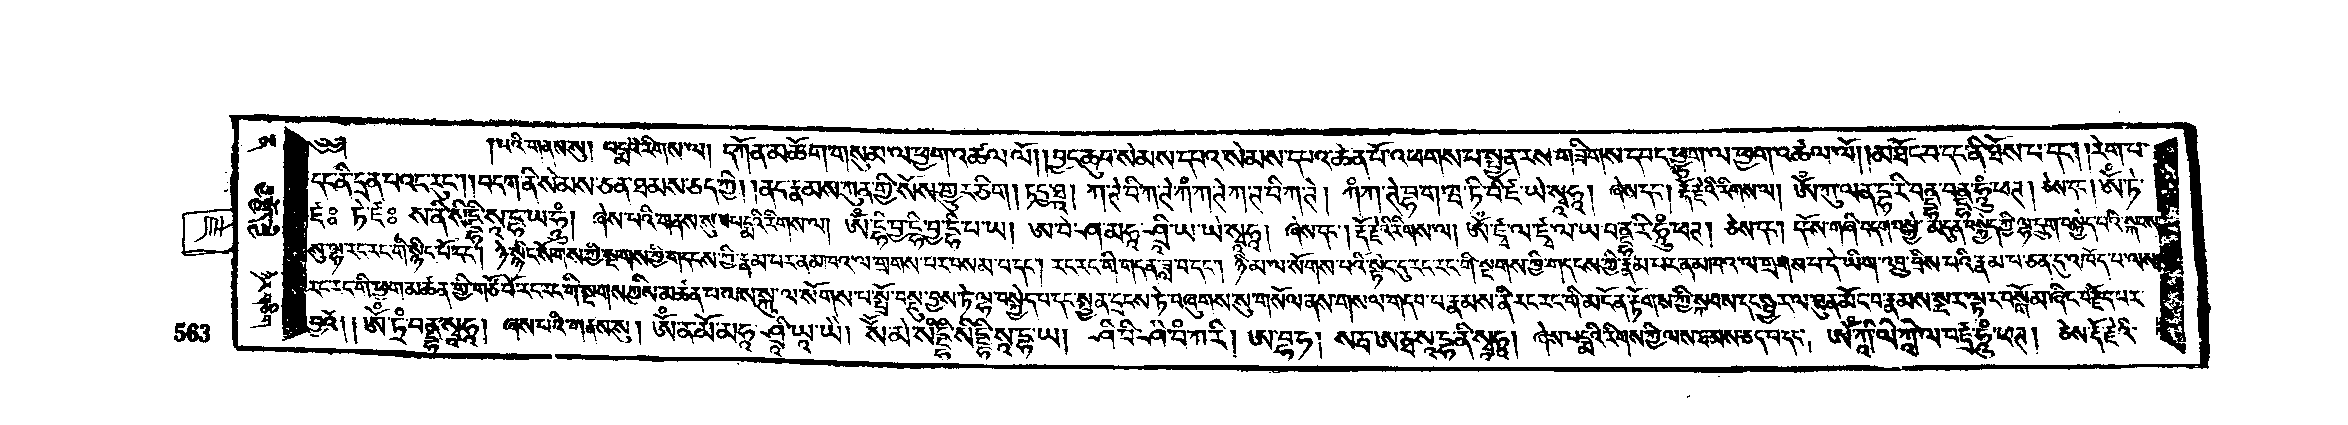༄༅། །པའི་གནས་སུ། པདམའི་རིགས་ལ། དཀོན་མཆོག་གསུམ་ལ་ཕྱག་འཚལ་ལོ། །བྱང་ཆུབ་སེམས་དཔའ་སེམས་དཔའ་ཆེན་པོ་འཕགས་པ་སྤྱན་རས་གཟིགས་དབང་ཕྱུག་ལ་ཕྱག་འཚལ་ལོ། །མཐོང་བ་དང་ནི་ཐོས་པ་དང་། །རེག་པ་
དང་ནི་དྲན་པའང་རུང་། །བདག་ནི་སེམས་ཅན་ཐམས་ཅད་ཀྱི། །ནད་རྣམས་ཀུན་གྱི་སོས་གྱུར་ཅིག །ཏཌྱ་ཐཱ། ཀ་ཊེ་བི་ཀ་ཊེ་ཀཾ་ཀ་ཊེ་ཀ་ཊ་བི་ཀ་ཊེ། ཀཾ་ཀ་ཊེ་བྷ་ག་ཝ་ཏི་བི་ཛ་ཡེ་སྭཱཧཱ། ཞེས་དང་། རྡོ་རྗེའི་རིགས་ལ།  ཨོཾ་ཀུ་ལན་དྷ་རི་བནྡྷ་བནྡྷ་ཧཱུཾ་ཕཊ། ཅེས་དང་།  ཨོཾ་ཏེ་
ཛཿ ཏེ་ཛཿ ས་ནི་སིདྡྷི་སཱ་དྷ་ཡ་ཧཱུཾ། ཞེས་པའི་གནས་སུ། པདམའི་རིགས་ལ།  ཨོཾ་དྷི་བྱ་དྷི་བྱ་དྷི་པ་ཡ། ཨ་བི་ཤ་མཧཱ་ཤྲཱི་ཡ་ཡེ་སྭཱཧཱ། ཞེས་དང་། རྡོ་རྗེའི་རིགས་ལ།  ཨོཾ་ཛྭ་ལ་ཛྭ་ལ་ཡ་བནྡྷ་རི་ཧཱུཾ་ཕཊ། ཅེས་དང་། དངོས་གཞི་བདག་བསྐྱེ་མདུན་བསྐྱེད་ཀྱི་ལྷ་དྲུག་བསྐྱེད་པའི་སྐབས་
སུ་ལྷ་རང་རང་གི་སྙིང་པོ་དང་། ཉེ་སྙིང་སོགས་ཀྱི་སྔགས་ཀྱི་གདངས་ཀྱི་རྣམ་པར་ནམ་མཁའ་ལ་གྲགས་པར་བསམ་པ་དང་། རང་རང་གི་གདན་ཟླ་བ་དང་། ཉི་མ་ལ་སོགས་པའི་སྟེང་དུ་རང་རང་གི་སྔགས་ཀྱི་གདངས་ཀྱི་རྣམ་པར་ནམ་མཁའ་ལ་གྲགས་པ་དེ་ཡིག་འབྲུ་ཟིས་པའི་རྣམ་པ་ཅན་དུ་འཁོད་པ་ལས།
རང་རང་གི་ཕྱག་མཚན་གྱི་གཙོ་བོ་རང་རང་གི་སྔགས་ཀྱིས་མཚན་པ་ལས་སྐུ་ལ་སོགས་པ་སྤྲོ་བསྡུ་བྱས་ཏེ་ལྷ་བསྐྱེད་པ་དང་སྤྱན་དྲངས་ཏེ་བཞུགས་སུ་གསོལ་ནས་གསལ་གདབ་པ་རྣམས་ནི་རང་རང་གི་མངོན་རྟོགས་ཀྱི་སྐབས་དང་སྦྱར་ལ་ཐུན་མོང་བ་རྣམས་སྔར་ལྟར་བསྒོམ་ཞིང་བརྗོད་པར་
བྱའོ། །ཨོཾ་ཏྲཾ་བནྡྷ་སྭཱཧཱ། ཞེས་པའི་གནས་སུ།  ཨོཾ་ན་མོ་མཧཱ་ཤྲཱི་ཡཱ་ཡཻ། སཽ་མེ་སིདྡྷི་སིདྡྷི་སཱ་དྷ་ཡ། ཤི་བི་ཤི་བཾ་ཀ་རི། ཨ་བྷ་ཧ། སརྦ་ཨརྠ་སཱ་དྷ་ནི་སྭཱཧཱ། ཞེས་པདམའི་རིགས་ཀྱི་ལས་ཐམས་ཅད་པ་དང་།  ཨོཾ་ཀཱི་ལི་ཀཱི་ལ་བཛྲ་ཧཱུཾ་ཕཊ། ཅེས་རྡོ་རྗེའི་